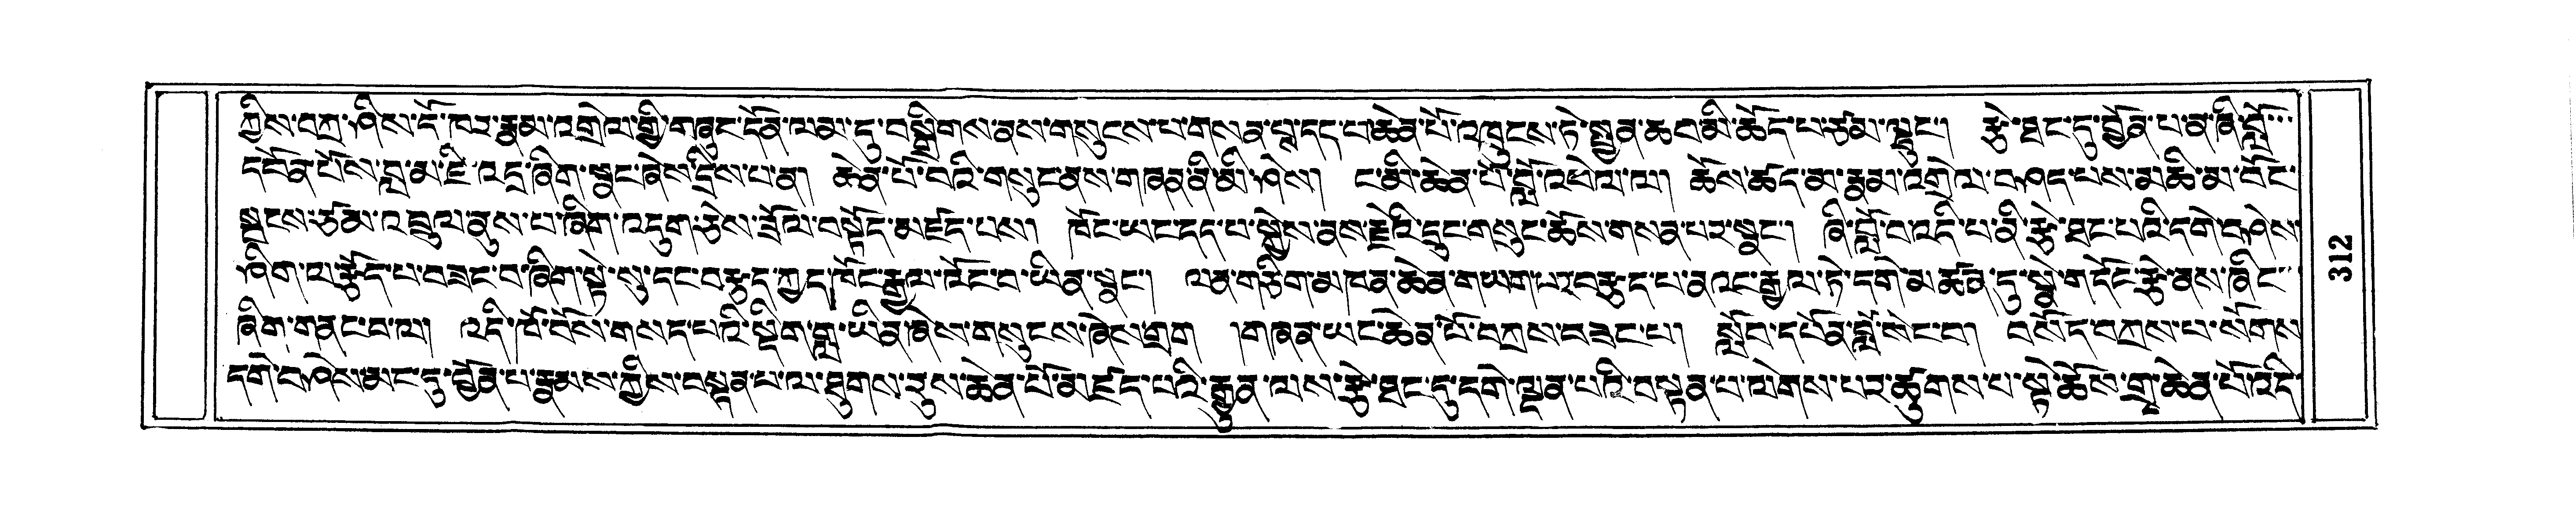ཀྱིས་བཀྲ་ཤིས་དོ་ཁར་རྣམ་འགྲེལ་གྱི་གཞུང་དོན་ལམ་དུ་བསྒྲིགས་ནས་གསུངས་པ་གསན་པས་དད་པ་ཆེན་པོ་འཁྲུངས་ཏེ་སྤྱན་ཆབ་མི་ཆོད་པ་ཙམ་ལྷུང་། རྩེ་ཐང་དུ་བྱོན་པ་ན་ཞི་བློ་
དབོན་པོས་བླ་མ་ཇི་འདྲ་ཞིག་སྣང་ཞེས་དྲིས་པ་ན། ཆེན་པོ་བའི་གསུང་ནས་གཞན་ནི་མི་ཤེས། ང་མི་ཆེན་པོ་བློ་འཕེལ་ལ། ཆོས་ཚད་མ་རྣམ་འགྲེལ་བཤད་པས་མཆི་མ་བོང་
སྦངས་ཙམ་འབྲུལ་ནུས་པ་ཞིག་འདུག་ཅེས་ཟོལ་བསྟོད་མཛད་པས། ཁོང་ཡང་དད་པ་སྐྱེས་ནས་རྗེའི་དྲུང་གསུང་ཆོས་གསན་པར་སྣང་། ཞི་བློ་བ་འདི་པ་ནི་རྩེ་ཐང་པའི་དགེ་བཤེས་
ཤིག་ལ་རྩོད་པ་བཟང་བ་ཞིག་སྟེ་སུ་དང་བརྩད་ཀྱང་ཁོང་རྒྱལ་འོང་བ་ཡིན་སྣང་། ལན་གཅིག་མཁན་ཆེན་གཡག་པར་བརྩད་པ་ནའང་རྒྱལ་ཏེ་དགེ་མཚན་དུ་སྣེ་གདོང་རྩེ་ནས་ཞིང་
ཞིག་གནང་བ་ལ། འདི་ཁོ་བོས་གསད་པའི་སྡིག་གླ་ཡིན་ཞེས་གསུངས་ཞེས་གྲག །གཞན་ཡང་ཆེན་པོ་བཀྲས་བཟང་པ། སློབ་དཔོན་བློ་སེང་བ། བསོད་བཀྲས་པ་སོགས་
དགེ་བཤེས་མང་དུ་བྱོན་པ་རྣམས་ཀྱིས་བསྟན་པ་ལ་ཐུགས་རུས་ཆེན་པོ་མཛད་པའི་རྒྱུན་ལས་རྩེ་ཐང་དུ་དགེ་ལྡན་པའི་བསྟན་པ་ལེགས་པར་ཚུགས་པ་སྟེ་ཆོས་གྲྭ་ཆེན་པོ་འདི་